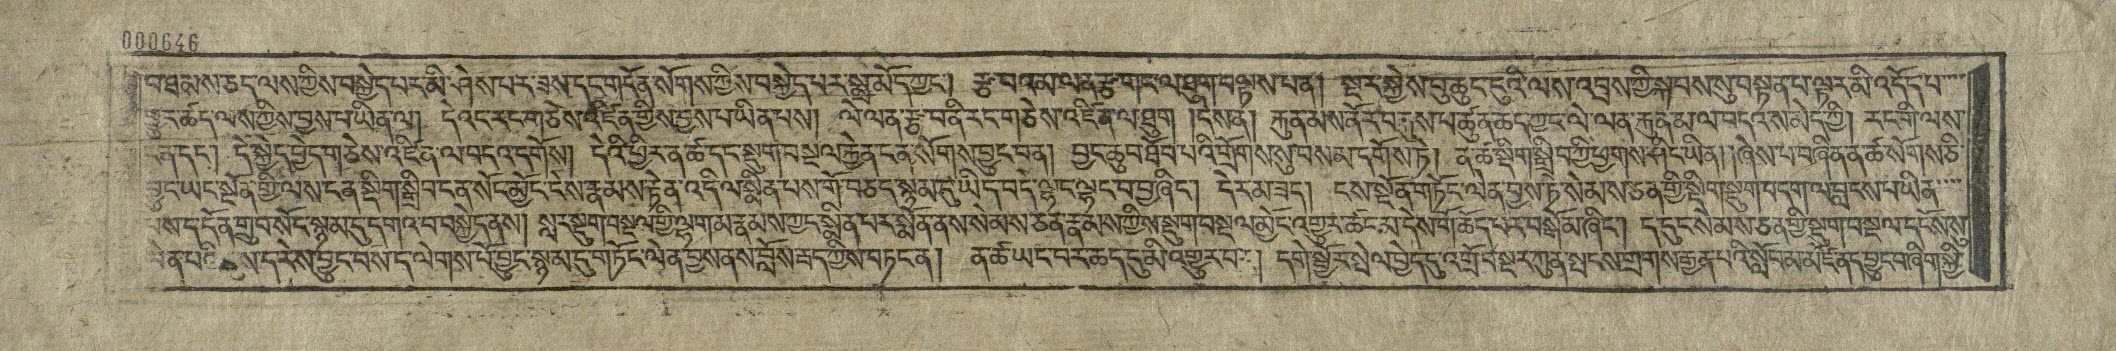བ་ཐམས་ཅད་ལས་ཀྱིས་བསྐྱེད་པར་མི་ཤེས་པར་ཟས་དང་གདོན་སོགས་ཀྱིས་བསྐྱེད་པར་སྨྲ་མོད་ཀྱང་། རྩ་བའམ་ལན་རྩ་གང་ལ་ཐུག་བལྟས་པ་ན། སྔར་སྐྱེས་བུ་ཆུང་ངུའི་ལས་འབྲས་ཀྱི་སྐབས་སུ་བསྟན་པ་ལྟར་མི་འདོད་པ་
བྱུང་ཚད་ལས་ཀྱིས་བྱས་པ་ཡིན་ལ། དེའང་རང་གཅེས་འཛིན་གྱིས་བྱས་པ་ཡིན་པས། ལེ་ལན་རྩ་བ་ནི་རང་གཅེས་འཛིན་ལ་ཐུག །དེས་ན། རྐུན་མས་ནོར་བརྐུས་པ་ཚུན་ཆད་ཀྱང་ལེ་ལན་རྐུན་མ་ལ་བདའ་ས་མེད་ཀྱི། རང་གི་ལས་
ངན་དང་། དེ་སྐྱེད་བྱེད་གཅེས་འཛིན་ལ་བདའ་དགོས། དེའི་ཕྱིར་ན་ཚ་དང་སྡུག་བསྔལ་རྐྱེན་ངན་སོགས་བྱུང་བ་ན། བྱང་ཆུབ་ཐོབ་པའི་གྲོགས་སུ་བསམ་དགོས་ཏེ། ན་ཚ་སྡིག་སྒྲིབ་ཀྱི་ཕྱགས་ཤིང་ཡིན། །ཞེས་པ་བཞིན་ན་ཚ་སོགས་ཅི་
བྱུང་ཡང་སྔོན་གྱི་ལས་ངན་སྡིག་སྒྲིབ་ངན་སོང་མྱོང་ངེས་རྣམས་རྟེན་འདི་ལ་སྨིན་པས་གོ་བཅད་སྙམ་དུ་ཡིད་བདེ་ལྷང་ལྷང་བ་བྱ་ཞིང་། དེར་མ་ཟད། ངས་སྔོན་གཏོང་ལེན་བྱས་ཏེ་སེམས་ཅན་གྱི་སྡིག་སྡུག་བདག་ལ་བླངས་པ་ཡིན་
པས་ད་དོན་གྲུབ་སོང་སྙམ་དུ་དགའ་བ་བསྐྱེད་ནས། སླར་སྡུག་བསྔལ་གྱི་ལྷག་མ་རྣམས་ཀྱང་སྨིན་པར་སྨོན་ནས་སེམས་ཅན་རྣམས་ཀྱིས་སྡུག་བསྔལ་མྱོང་འགྱུར་ཚང་མ་དེས་གོ་ཆོད་པར་བསྒོམ་ཞིང་། ད་དུང་སེམས་ཅན་གྱི་སྡུག་བསྔལ་དངོས་སུ་
ལེན་པའི་དུས་ད་རེས་བྱུང་བས་ད་ལེགས་པོ་བྱུང་སྙམ་དུ་གཏོང་ལེན་བྱས་ནས་བློས་རྦད་ཀྱིས་བཏང་ན། ན་ཚ་ཡང་བར་ཆད་དུ་མི་འགྱུར་བར། དགེ་སྦྱོར་སྤེལ་བྱེད་དུ་འགྲོ་བ་སྔར་ཀུན་སྤངས་གྲགས་རྒྱན་པའི་སློབ་མ་མཛེ་ནད་བྱུང་བ་ཞིག་སྐྱི་